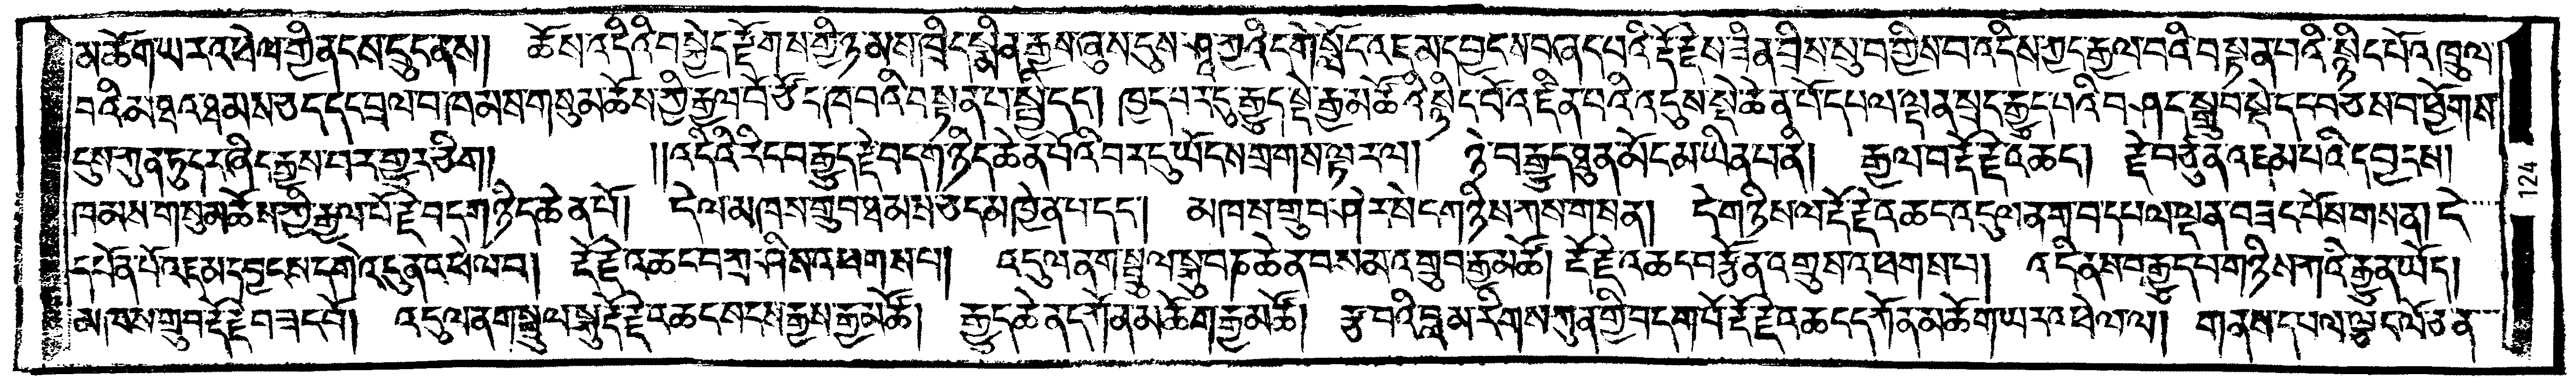མཆོག་ཡར་འཕེལ་གྱི་ནངས་དྲུང་ནས། ཆོས་འདིའི་བསྐྱེད་རྫོགས་གྱི་ཉམས་ཁྲིད་སྨིན་རྒྱས་ཞུས་དུས་ཤཱཀྱའི་དགེ་སློང་འཇམ་དབྱངས་བཞད་པའི་རྡོ་རྗེས་ཟིན་བྲིས་སུ་བགྱིས་བ་འདིས་ཀྱང་རྒྱལ་བའི་བསྟན་པའི་སྙིང་པོ་འཁྲུལ་
བའི་མཐའ་ཐམས་ཅད་དང་བྲལ་བ་ཁམས་གསུམ་ཆོས་ཀྱི་རྒྱལ་པོ་ཙོང་ཁ་བའི་བསྟན་པ་སྤྱི་དང་། ཁྱད་པར་དུ་རྒྱུད་སྡེ་རྒྱ་མཚོའི་སྙིང་པོ་འཛིན་བའི་འདུས་སྡེ་ཆེན་པོ་དཔལ་ལྡན་སྲད་རྒྱུད་པའི་བཤད་སྒྲུབ་སྡེ་དང་བཅས་པ་ཕྱོགས་
དུས་ཀུན་ཏུ་དར་ཞིང་རྒྱས་པར་གྱུར་ཅིག། །།འདིའི་རིང་བརྒྱུད་རྗེ་བདག་ཉིད་ཆེན་པོའི་བར་དུ་ཡོངས་གྲགས་ལྟར་ལ། ཉེ་བ་རྒྱུད་ཐུན་མོང་མ་ཡིན་པ་ནི། རྒྱལ་བ་རྡོ་རྗེ་འཆང་། རྗེ་བཙུན་འཇམ་པའི་དབྱངས།
ཁམས་གསུམ་ཆོས་ཀྱི་རྒྱལ་པོ་རྗེ་བདག་ཉིད་ཆེན་པོ། དེ་ལ་མཁས་གྲུབ་ཐམས་ཅད་མཁྱེན་པ་དང་། མཁས་གྲུབ་ཤེར་སེང་གཉིས་ཀས་གསན། དེ་གཉིས་ལ་རྡོ་རྗེ་འཆང་འདུལ་ནག་བ་དཔལ་ལྡན་བཟང་པོས་གསན། དེ་
དཔོན་པོ་འཇམ་དབྱངས་དགེ་འདུན་འཕེལ་བ། རྡོ་རྗེ་འཆང་བཀྲ་ཤེས་འཕགས་པ། འདུལ་ནག་སྤྲུལ་སྐུ་པཎ་ཆེན་བསམ་འགྲུབ་རྒྱ་མཚོ། རྡོ་རྗེ་འཆང་བརྩོན་འགྲུས་འཕགས་པ། འདི་ནས་བརྒྱུད་པ་གཉིས་ཀའི་རྒྱུན་ཡོད།
མཁས་གྲུབ་རྡོ་རྗེ་བཟང་པོ། འདུལ་ནག་སྦྲུལ་སྐུ་རྡོ་རྗེ་འཆང་སངས་རྒྱས་རྒྱ་མཚོ། རྒྱུད་ཆེན་དཀོན་མཆོག་རྒྱ་མཚོ། རྩ་བའི་བླ་མ་རིགས་ཀུན་གྱི་བདག་པོ་རྡོ་རྗེ་འཆང་དཀོན་མཆོག་ཡར་འཕེལ་ལ། གནས་དཔལ་ལྕང་ལོ་ཅན་